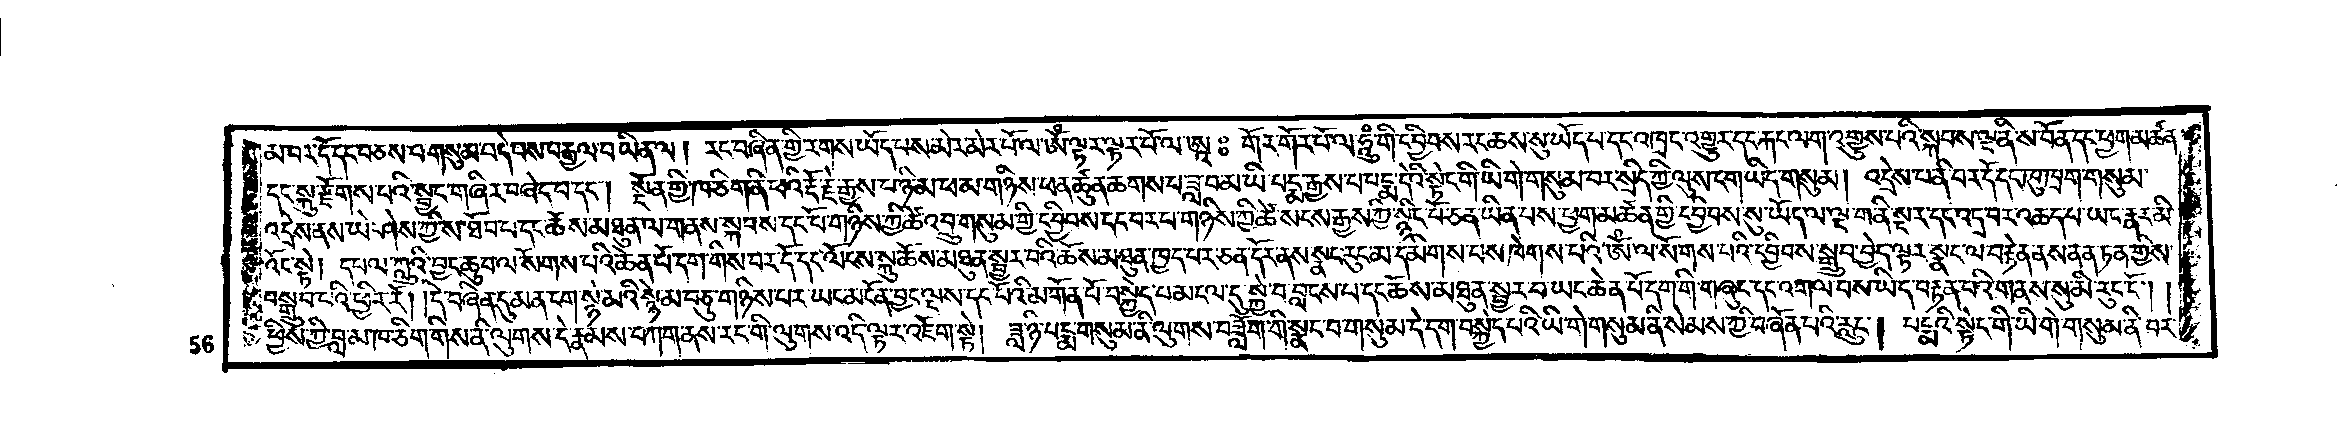མ་བར་དོ་དང་བཅས་པ་གསུམ་བདེ་བས་བརྒྱལ་བ་ཡིན་ལ། རང་བཞིན་གྱི་རིགས་ཡོད་པས་མེར་མེར་པོ་ལ་ཨོཾ་ལྟར་ལྟར་པོ་ལ་ཨཱཿ གོར་གོར་པོ་ལ་ཧཱུཾ་གི་དབྱིབས་རང་ཆས་སུ་ཡོད་པ་དང་འཁྲང་འགྱུར་དང་རྐང་ལག་འགྱུས་པའི་སྐབས་ལྔ་ནི་ས་བོན་དང་ཕྱག་མཚན་
དང་སྐུ་རྫོགས་པའི་སྦྱང་གཞིར་བཞེད་པ་དང་། སྔོན་གྱི་ཁ་ཅིག་ནི་ཕའི་རྡོ་རྗེ་རྒྱས་པ་ཉི་མ་ཕ་མ་གཉིས་ཕན་ཚུན་ཆགས་པ་ཟླ་བ་མ་ཡི་པདམ་རྒྱས་པ་པདམ་དེའི་སྟེང་གི་ཡི་གེ་གསུམ་བར་སྲིད་ཀྱི་ལུས་ངག་ཡིད་གསུམ། འདྲེས་པ་ནི་བར་དོ་དང་ཁུ་ཁྲག་གསུམ་
འདྲེས་ནས་ཡེ་ཤེས་ཀྱི་ས་ཐོབ་པ་དང་ཆོས་མཐུན་ལ་གནས་སྐབས་དང་པོ་གཉིས་ཀྱི་ཚེ་འབྲུ་གསུམ་གྱི་དབྱིབས་དང་བར་པ་གཉིས་ཀྱི་ཚེ་སངས་རྒྱས་ཀྱི་སྙིང་པོ་ཅན་ཡིན་པས་ཕྱག་མཚན་གྱི་དབྱིབས་སུ་ཡོད་ལ་ལྔ་ག་ནི་སྔར་དང་འདྲ་བར་འཆད་པ་ཡང་རྣར་མི་
འོང་སྟེ། དཔལ་ཀླུའི་བྱང་ཆུབ་ལ་སོགས་པའི་ཆེན་པོ་དག་གིས་བར་དོ་དང་ལོངས་སྐུ་ཆོས་མཐུན་སྦྱར་བའི་ཆོས་མཐུན་ཁྱད་པར་ཅན་དོར་ནས་སྣང་རུང་མ་དམིགས་པས་ཁེགས་པའི་ཨོཾ་ལ་སོགས་པའི་དབྱིབས་སྒྲུབ་བྱེད་ལྟར་སྣང་ལ་བརྟེན་ནས་ནན་ཏན་གྱིས་
བསྒྲུབ་པའི་ཕྱིར་རོ། །དེ་བཞིན་དུ་མན་ངག་སྙེ་མའི་སྙེ་མ་བཅུ་གཉིས་པར་ཡང་མངོན་བྱང་ལྔས་དང་པོའི་མགོན་པོ་བསྐྱེད་པ་མངལ་དུ་སྐྱེ་བ་བླངས་པ་དང་ཆོས་མཐུན་སྦྱར་བ་ཡང་ཆེན་པོ་དག་གི་གཞུང་དང་འགལ་བས་ཡིད་བརྟན་པའི་གནས་སུ་མི་རུང་ངོ། །
ཕྱིས་ཀྱི་བླ་མ་ཁ་ཅིག་གིས་ནི་ལུགས་དེ་རྣམས་བཀག་ནས་རང་གི་ལུགས་འདི་ལྟར་འཇོག་སྟེ། ཟླ་ཉི་པདམ་གསུམ་ནི་ལུགས་བཟློག་གི་སྣང་བ་གསུམ་དེ་དག་བསྐྱེད་པའི་ཡི་གེ་གསུམ་ནི་སེམས་ཀྱི་བཞོན་པའི་རླུང་། པདམའི་སྟེང་གི་ཡི་གེ་གསུམ་ནི་བར་